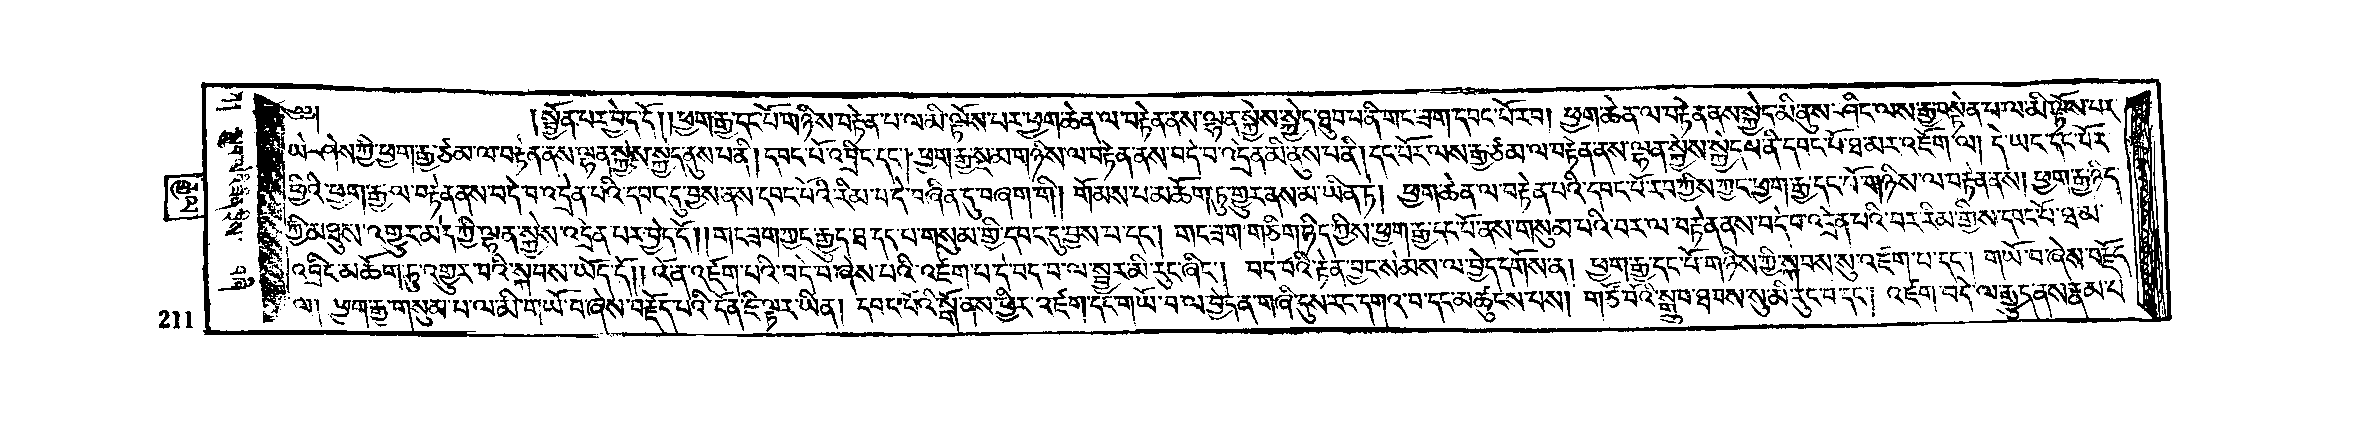༄༅། །སྦྱོན་པར་བྱེད་དོ། །ཕྱག་རྒྱ་དང་པོ་གཉིས་བརྟེན་པ་ལ་མི་ལྟོས་པར་ཕྱག་ཆེན་ལ་བརྟེན་ནས་ལྷན་སྐྱེས་སྐྱེད་ཐུབ་པ་ནི་གང་ཟག་དབང་པོ་རབ། ཕྱག་ཆེན་ལ་བརྟེན་ནས་སྐྱེད་མི་ནུས་ཤིང་ལས་རྒྱ་བསྟེན་པ་ལ་མི་ལྟོས་པར་
ཡེ་ཤེས་ཀྱི་ཕྱག་རྒྱ་ཙམ་ལ་བརྟེན་ནས་ལྷན་སྐྱེས་སྐྱེད་ནུས་པ་ནི། །དབང་པོ་འབྲིང་དང་། ཕྱག་རྒྱ་སྔ་མ་གཉིས་ལ་བརྟེན་ནས་བདེ་བ་འདྲེན་མི་ནུས་པ་ནི། དང་པོར་ལས་རྒྱ་ཙམ་ལ་བརྟེན་ནས་ལྷན་སྐྱེས་སྐྱེད་པ་ནི་དབང་པོ་ཐ་མར་འཇོག་ལ། དེ་ཡང་དང་པོར་
ཕྱིའི་ཕྱག་རྒྱ་ལ་བརྟེན་ནས་བདེ་བ་འདྲེན་པའི་དབང་དུ་བྱས་ནས་དབང་པོའི་རིམ་པ་དེ་བཞིན་དུ་བཞག་གི །གོམས་པ་མཆོག་ཏུ་གྱུར་ནས་མ་ཡིན་ཏེ། ཕྱག་ཆེན་ལ་བརྟེན་པའི་དབང་པོ་རབ་ཀྱིས་ཀྱང་ཕྱག་རྒྱ་དང་པོ་གཉིས་ལ་བརྟེན་ནས། ཕྱག་རྒྱ་ཉིད་
ཀྱི་མཐུས་འགྱུར་མེད་ཀྱི་ལྷན་སྐྱེས་འདྲེན་པར་བྱེད་དོ། །གང་ཟག་ཀྱང་རྒྱུད་ཐ་དད་པ་གསུམ་གྱི་དབང་དུ་བྱས་པ་དང་། གང་ཟག་གཅིག་ཉིད་ཀྱིས་ཕྱག་རྒྱ་དང་པོ་ནས་གསུམ་པའི་བར་ལ་བརྟེན་ནས་བདེ་བ་འདྲེན་པའི་བར་རིམ་གྱིས་དབང་པོ་ཐ་མ་
འབྲིང་མཆོག་ཏུ་འགྱུར་བའི་སྐབས་ཡོད་དོ། །འོ་ན་འཛག་པའི་བདེ་བ་ཞེས་པའི་འཇོག་པ་དེ་བདེ་བ་ལ་སྦྱར་མི་རུང་ཞིང་། བདེ་བའི་རྟེན་བྱང་སེམས་ལ་བྱེད་དགོས་ན། ཕྱག་རྒྱ་དང་པོ་གཉིས་ཀྱི་སྐབས་སུ་འཛག་པ་དང་། གཡོ་བ་ཞེས་བརྗོད་
ལ། ཕྱག་རྒྱ་གསུམ་པ་ལ་མི་གཡོ་བ་ཞེས་བརྗོད་པའི་དོན་ཇི་ལྟར་ཡིན། དབང་པོའི་སྒོ་ནས་ཕྱིར་འཛག་དང་གཡོ་བ་ལ་བྱེད་ན་གཞི་དུས་རང་དགའ་བ་དང་མཚུངས་པས། གཙོ་བོའི་སྒྲུབ་ཐབས་སུ་མི་རུང་བ་དང་། འཛག་བདེ་ལ་རྒྱུད་ནས་རྣམ་པ་